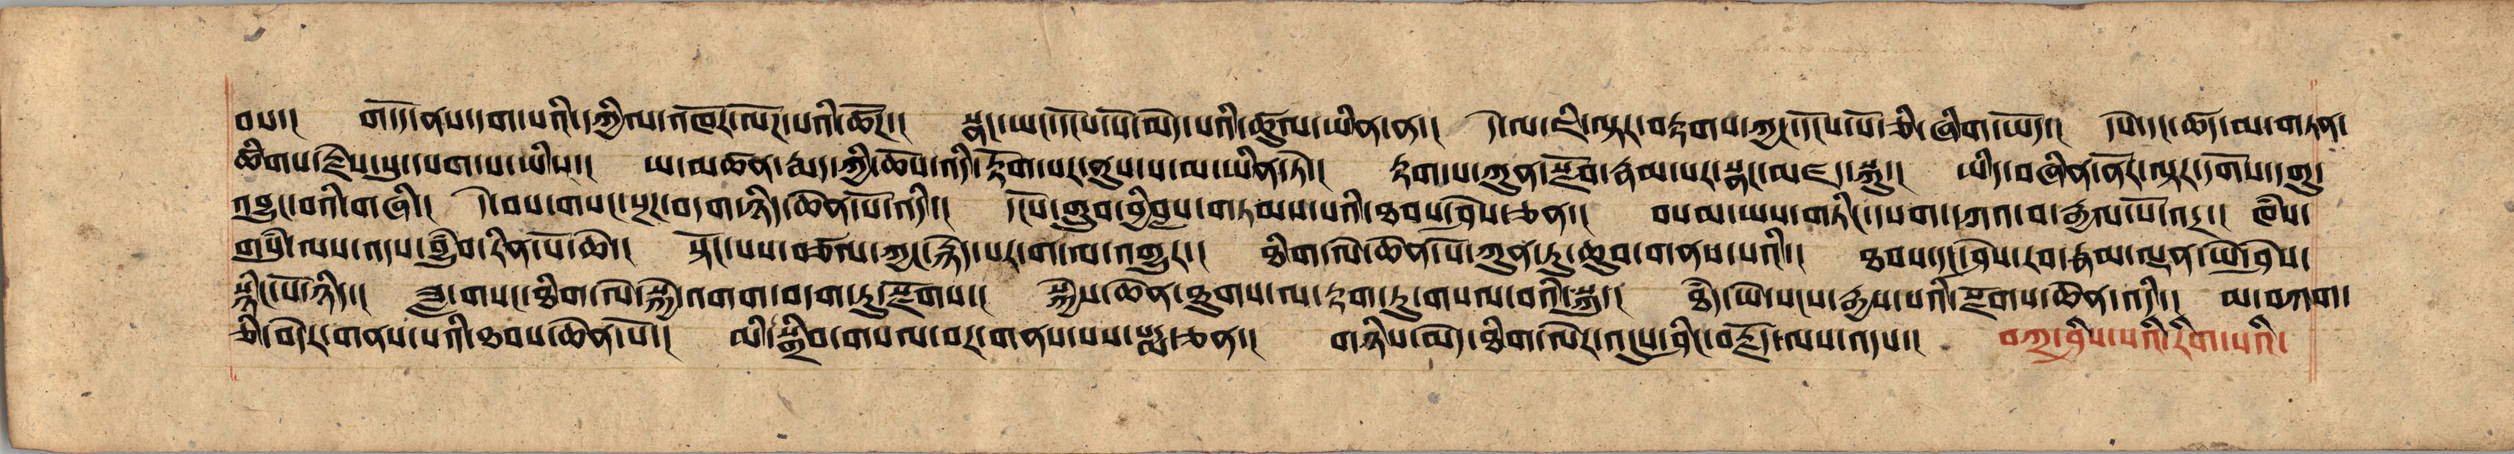བས་། གདོད་ནས་དག་པའི་དཀྱིལ་འཁོར་ལེཌ་པའི་ཚོཌ། སྣང་ཡང་དངོས་པོ་མེད་པའི་ཚུལ་ཡིན་ན་། དེ་ལ་ཇི་ལྟར་བརྟགས་ཀྱང་དངོས་པོ་ཅི་ཞིག་ཡོད་། དཔེ་དང་ཚད་མ་གཏན་
ཚིགས་རྗེས་སུ་དཔག་པ་ཡིས་། ཡ་མཚན་རྨད་བྱུང་ཀྱི་ཆོས་འདི་རྟོག་པར་ནུས་པ་མ་ཡིན་ཏེ་། རྟག་པ་ཀུན་སྫོབ་རྣམ་པར་སྣང་མཛད་སྐུ་། ཡིད་བཞིན་ནོར་ལྟར་དགོས་དགུ་
འབྱུང་བའི་གཞི་། དེ་བས་གསང་སྔཌ་བདག་ཉིད་ཆེན་པོ་འདི་། དངོས་གྲུབ་བྱིབླས་གཏམས་པའི་ཐབས་ཤེས་ཅན་། བསམ་ཡས་གཏིང་དཔག་དཀའ་བ་རྒྱལ་པོ་འདྲ་། ཁཾས་
གསུཾ་ལས་འདས་བྱུཾབ་རིན་པོ་ཆེ་། སྟོང་པས་བཙལ་ཀྱང་རྙེད་པར་ག་ལ་འགྱུར་། ཐིག་ལེ་ཆེན་པོ་ཀུན་ཏུ་ཆུབ་གནས་པའི་། ཐབས་དང་ཤེས་རབ་རྣམ་ལྡན་ཡེ་ཤེས་
སྙིང་པོ་ཉིད་། ཟླ་གསང་ཐིག་ལེ་སྐྱེ་འགག་བདག་ཏུ་སྫོགས་། སྐྱེས་ཆེན་ཐུགས་ལ་རྟག་ཏུ་གསལ་བའི་སྐུ་། ཐཾད་ཡེ་སངས་རྒྱས་པའི་སྫོགས་ཆེན་འདི་། མ་བཀག་
ཅི་བདཻར་གནས་པའི་ཐབས་ཆེན་པོ་། མི་སྒྲིབ་གསལ་བར་གནས་པས་སདྨ་ཅན་། གཉིས་མེད་ཐིག་ལེར་འདུས་ཤིང་བརྗོད་ལས་འདས་། བཀྲ་ཤིས་པའི་རིག་པའི་